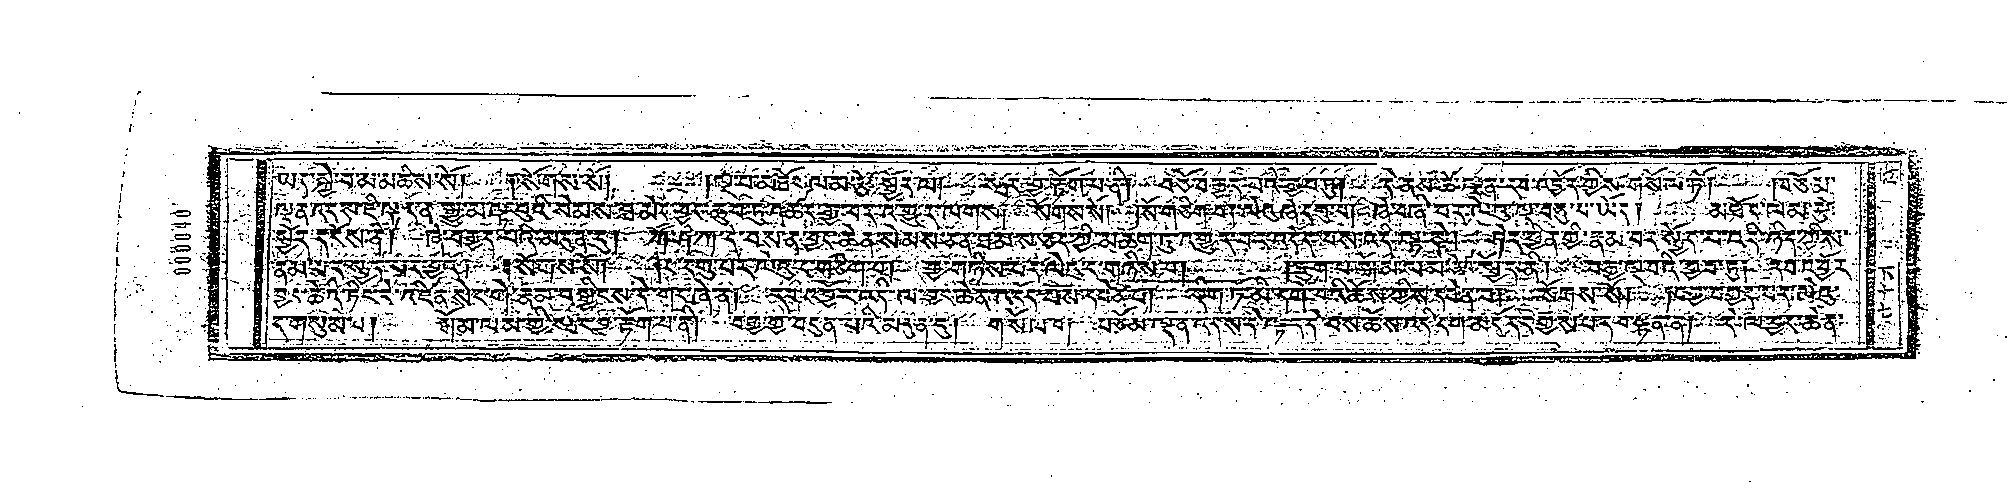ཡང་སྐྱེ་བ་མ་མཆིས་སོ། །སོགས་སོ། །ལྔ་པ་མཐོང་ལམ་རྩེ་སྦྱོར་ལ། སྤང་བྱ་རྟོག་པ་ནི། བཅོ་བརྒྱད་བའི་རྒྱབ་ཏུ། དེ་ནས་ཚེ་ལྡན་རབ་འབྱོར་གྱིས་གསོལ་ཏོ། །བཅོམ་
ལྡན་འདས་ཇི་ལྟར་ན་སྒྱུ་མ་ལྟ་བུའི་སེམས་བླ་མེད་བྱང་ཆུབ་ཏུ་འཚང་རྒྱ་བར་འགྱུར་ལགས། སོགས་སོ། །སོ་གཅིག་བར་ལེའུ་ཞེ་དགུ་པ། ཞེ་བཞི་བར་ལེའུ་ལྔ་བཅུ་པ་ཡོད། མཐོང་ལམ་རྩེ་
སྦྱོར་དངོས་ནི། ཞེ་བརྒྱད་པའི་མདུན་དུ། ཀཽ་ཤི་ཀ་དེ་བས་ན་བྱང་ཆེན་སེམས་ཅན་ཐམས་ཅད་ཀྱི་མཆོག་ཏུ་འགྱུར་བར་འདོད་པས་འདི་ལྟ་སྟེ། ཤེར་ཕྱིན་གྱི་རྣམ་བར་སྦྱོད་པས་འདི་ཉིད་ཀྱིས་
རྣམ་པར་སྦྱད་པར་བྱའོ། །སོགས་སོ། །ང་དགུ་པར་ལེའུ་ང་གཅིག་པ། གྱ་གཉིས་པར་ལེའུ་ང་གཉིས་པ། །དྲུག་པ་སྒོམ་ལམ་རྩེ་སྦྱོར་ནི། བརྒྱ་ལྔ་བའི་རྒྱབ་ཏུ། རབ་འབྱོར་
བྱང་ཆེའི་ཏིང་ངེ་འཛིན་སེང་གེ་རྣམ་བསྒྱིངས་དེ་གང་ཞེ་ན། རབ་འབྱོར་འདི་ལ་བྱང་ཆེན་འདོད་པས་དབེན་པ། སྡིག་ཏོ་མི་དགེ་བའི་ཚེས་ཀྱིས་དབེན་བ། སོགས་སོ། །བརྒྱ་བརྒྱད་པར་ལེའུ་
ང་གསུམ་པ། སྒོམ་ལམ་གྱི་སྤང་བྱ་རྟོག་པ་ནི། བརྒྱ་གྱ་བདུན་པའི་མདུན་དུ། གསོལ་བ། བཅོམ་ལྡན་འདས་དེ་ལྟར་དེ་བས་ཆོས་འདི་དག་མདོ་དང་རྒྱས་པར་བསྟན་ན། དེ་ལ་བྱང་ཆེན་